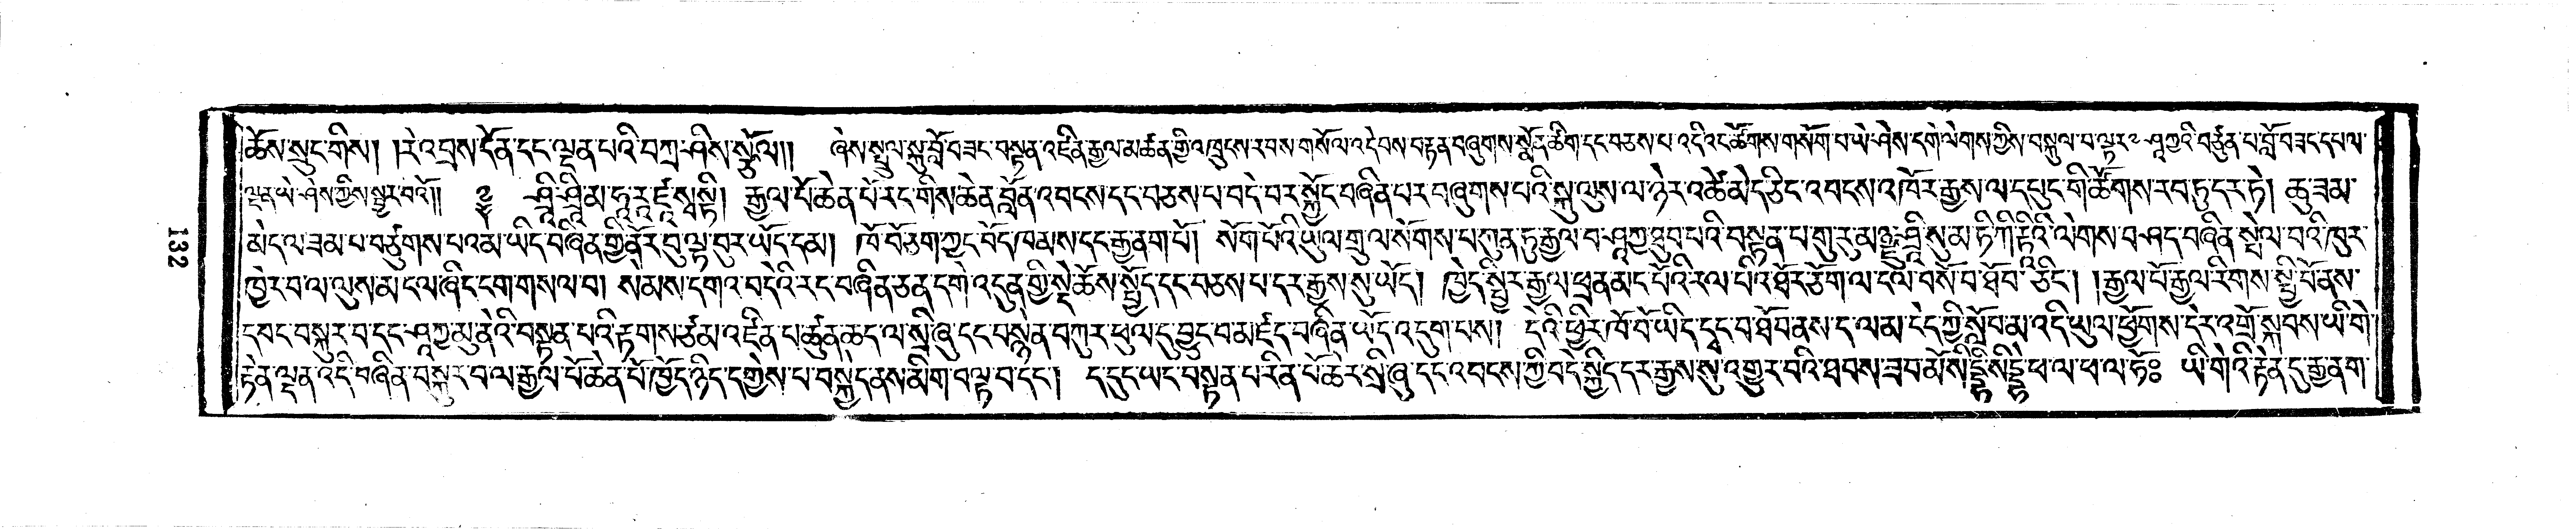ཆོས་སྲུང་གིས། །རེ་འབྲས་དོན་དང་ལྡན་པའི་བཀྲ་ཤིས་སྩོལ།། ཞེས་སྤྲུལ་སྐུ་བློ་བཟང་བསྟན་འཛིན་རྒྱལ་མཚན་གྱི་འཁྲུངས་རབས་གསོལ་འདེབས་བརྟན་བཞུགས་སྨོན་ཚིག་དང་བཅས་པ་འདིའང་ཚོགས་གསོག་པ་ཡེ་ཤེས་དགེ་ལེགས་ཀྱིས་བསྐུལ་བ་ལྟར་༧་ཤཱཀྱའི་བཙུན་པ་བློ་བཟང་དཔལ་
ལྡན་ཡེ་ཤེས་ཀྱིས་སྦྱར་བའོ།། ༈ ཤྲཱི་ཤྲཱི་མ་ཧཱ་རཱ་ཛཱ་སྭ་སྟི། རྒྱལ་པོ་ཆེན་པོ་རང་གིས་ཆེན་བློན་འབངས་དང་བཅས་པ་བདེ་བར་སྐྱོང་བཞིན་པར་བཞུགས་པའི་སྐུ་ལུས་ལ་ཉེར་འཚེ་མེད་ཅིང་འབངས་འཁོར་རྒྱས་ལ་དཔུང་གི་ཚོགས་རབ་ཏུ་དར་ཏེ། ཆུ་ཟམ་
མེད་ལ་ཟམ་པ་བཙུགས་པའམ་ཡིད་བཞིན་གྱི་ནོར་བུ་ལྟ་བུར་ཡོད་དམ། ཁོ་བོ་ཅག་ཀྱང་བོད་ཁམས་དང་རྒྱ་ནག་པོ། སོག་པོའི་ཡུལ་གྲུ་ལ་སོགས་པ་ཀུན་ཏུ་རྒྱལ་བ་ཤཱཀྱ་ཐུབ་པའི་བསྟན་པ་གུ་རུ་མཉྫུ་ཤྲཱི་སུ་མ་ཏི་ཀི་རྟའིའི་ལེགས་བཤད་བཞིན་སྤེལ་བའི་ཁུར་
ཁྱེར་བ་ལ་ལུས་མངལ་ཞིང་ངག་གསལ་བ། སེམས་དགའ་བདེའི་རང་བཞིན་ཅན་དགེ་འདུན་གྱི་སྡེ་ཆོས་སྤྱོད་དང་བཅས་པ་དར་རྒྱས་སུ་ཡོད། ཁྱེད་སྤྱིར་རྒྱལ་ཕྲན་མང་པོའི་རལ་པའི་ཐོར་ཅོག་ལ་ངལ་བསོ་བ་ཐོབ་ཅིང་། །རྒྱལ་པོ་རྒྱལ་རིགས་སྤྱི་བོ་ནས་
དབང་བསྐུར་བ་དང་ཤཱཀྱ་མུ་ནེའི་བསྟན་པའི་རྟགས་ཙམ་འཛིན་པ་ཚུན་ཆད་ལ་སྲི་ཞུ་དང་བསྙེན་བཀུར་ཕུལ་དུ་བྱུང་བ་མཛད་བཞིན་ཡོད་འདུག་པས། དེའི་ཕྱིར་ཁོ་བོ་ཡིད་དྭང་བ་ཐོབ་ནས་ད་ལམ་ངེད་ཀྱི་སློབ་མ་འདི་ཡུལ་ཕྱོགས་དེར་འགྲོ་སྐབས་ཡི་གེ་
རྟེན་ལྡན་འདི་བཞིན་བསྐུར་བ་ལ་རྒྱལ་པོ་ཆེན་པོ་ཁྱོད་ཉིད་དགྱེས་པ་བསྐྱེད་ནས་མིག་བལྟ་བ་དང་། ད་དུང་ཡང་བསྟན་པ་རིན་པོ་ཆེར་སྲི་ཞུ་དང་འབངས་ཀྱི་བདེ་སྐྱིད་དར་རྒྱས་སུ་འགྱུར་བའི་ཐབས་ཟབ་མོ་སིདྡྷི་སིདྡྷེ་ཕ་ལ་ཕ་ལ་ཧོཿ ཡི་གེའི་རྟེན་དུ་རྒྱ་ནག་